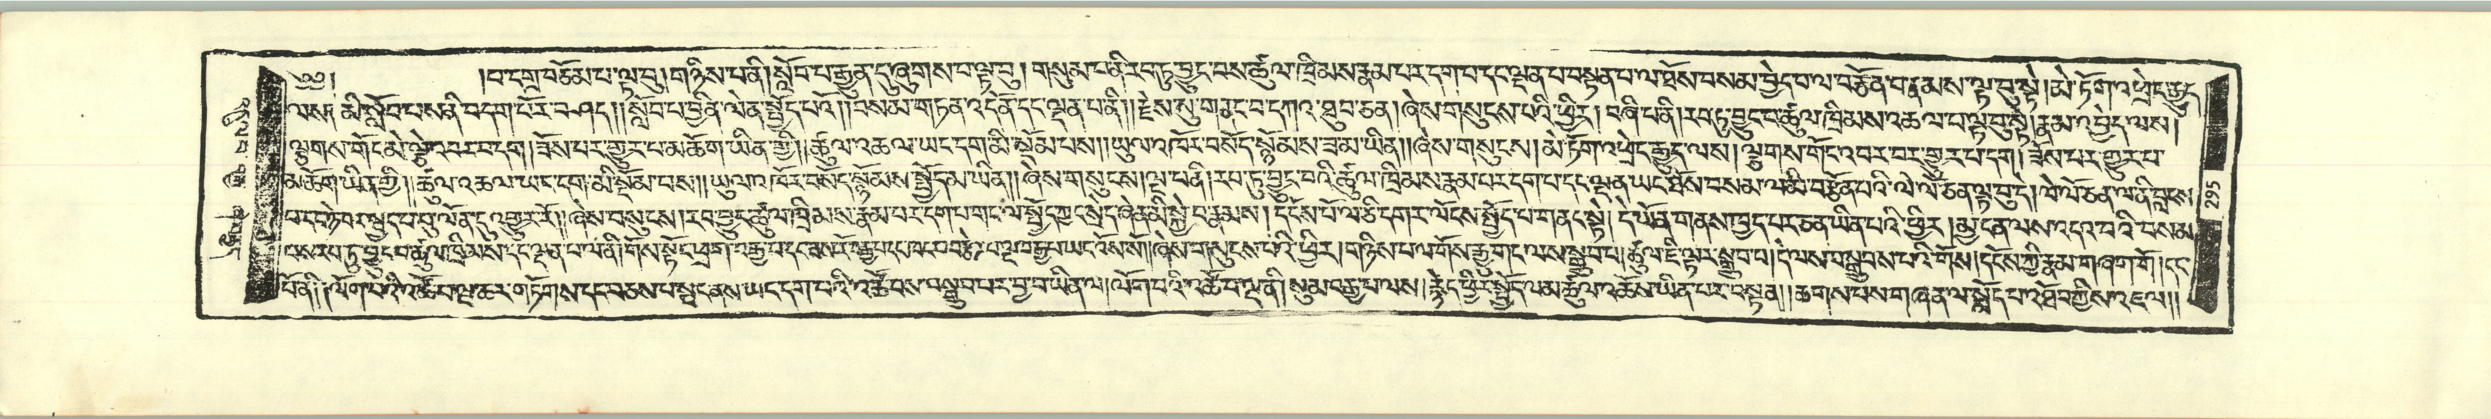༄༅། །པ་དགྲ་བཅོམ་པ་ལྟ་བུ། གཉིས་པ་ནི། སློབ་པ་རྒྱུན་དུ་ཞུགས་པ་ལྟ་བུ། གསུམ་པ་ནི་རབ་ཏུ་བྱུང་བས་ཚུལ་ཁྲིམས་རྣམ་པར་དག་པ་དང་ལྡན་པ་བསྟན་པ་ལ་ཐོས་བསམ་བྱེད་པ་ལ་བརྩོན་པ་རྣམས་ལྟ་བུ་སྟེ། མེ་ཏོག་འཕྲེང་རྒྱུད་
ལས༑ མི་སློབ་པས་ནི་བདག་པོར་བཤད། །སློབ་པ་བྱིན་ལེན་སྤྱོད་པའོ། །བསམ་གཏན་འདོན་དང་ལྡན་པ་ནི། །རྗེས་སུ་གནང་བ་དཀའ་ཐུབ་ཅན། །ཞེས་གསུངས་པའི་ཕྱིར། བཞི་པ་ནི། རབ་ཏུ་བྱུང་བ་ཚུལ་ཁྲིམས་འཆལ་བ་ལྟ་བུ་སྟེ། རྣམ་འབྱེད་ལས།
ལྕགས་གོང་མེ་ལྕེ་འབར་བ་དག །ཟོས་པར་གྱུར་པ་མཆོག་ཡིན་གྱི། །ཚུལ་འཆལ་ཡང་དག་མི་སྡོམ་པས། །ཡུལ་འཁོར་བསོད་སྙོམས་ཟ་མ་ཡིན། །ཞེས་གསུངས། མེ་ཏོག་འཕྲེང་རྒྱུད་ལས། ལྕགས་གོང་འབར་བར་གྱུར་པ་དག། ཟོས་པར་གྱུར་པ་
མཆོག་ཡིན་གྱི། །ཚུལ་འཆལ་ཡང་དག་མི་སྡོམ་པས། །ཡུལ་འཁོར་བསོད་སྙོམས་སྤྱོད་མ་ཡིན། །ཞེས་གསུངས། ལྔ་པ་ནི། རབ་ཏུ་བྱུང་བའི་ཚུལ་ཁྲིམས་རྣམ་པར་དག་པ་དང་ལྡན་ཡང་ཐོས་བསམ་ལ་མི་བརྩོན་པའི་ལེ་ལོ་ཅན་ལྟ་བུ་དེ། ལེ་ལོ་ཅན་ལ་ནི་བླངས་
བ་དང་ཉེ་བར་སྤྱད་པ་བུ་ལོན་དུ་འགྱུར་རོ། །ཞེས་གསུངས། རབ་བྱུང་ཚུལ་ཁྲིམས་རྣམ་པར་དག་པ་གང་ལ་སྤྱོད་ཀྱང་སྲེད་ཞེན་མི་སྐྱེ་བ་རྣམས། དངོས་པོ་ལ་ཅི་དགར་ལོངས་སྤྱོད་པ་གནང་སྟེ། དེ་ཡོན་གནས་ཁྱད་པར་ཅན་ཡིན་པའི་ཕྱིར། མྱ་ངན་ལས་འདའ་བའི་བསམ་
པས་རབ་ཏུ་བྱུང་བ་ཚུལ་ཁྲིམས་དང་ལྡན་པ་ལ་ནི། གོས་སྟོང་ཕྲག་བརྒྱ་པ་དང་བས་རོ་བརྒྱ་པ་དང་ཁང་བ་བརྩེགས་པ་ལྔ་བརྒྱ་པ་ཡང་འོས་སོ། །ཞེས་གསུངས་པའི་ཕྱིར། གཉིས་པ་ལ་གོས་རྒྱུ་གང་ལས་སྒྲུབ་པ། ཚུལ་ཇི་ལྟར་སྒྲུབ་པ། དེ་ལས་བསྒྲུབས་པའི་གོས། དངོས་ཀྱི་རྣམ་གཞག་གོ། །དང་
པོ་ནི༑ ༑ལོག་པའི་འཚོ་བ་ལྔ་ཆར་གཏོགས་དང་བཅས་པ་སྤང་ནས་ཡང་དག་པའི་འཚོ་བས་བསྒྲུབ་པར་བྱ་བ་ཡིན་ལ། ལོག་པའི་འཚོ་བ་ལྔ་ནི། སུམ་བརྒྱ་པ་ལས། རྙེད་ཕྱིར་སྤྱོད་ལམ་ཚུལ་འཆོས་ཡིན་པར་བསྟན། །ཆགས་པས་གཞན་ལ་སྨོད་པ་འཐོབ་ཀྱིས་འཇལ། །